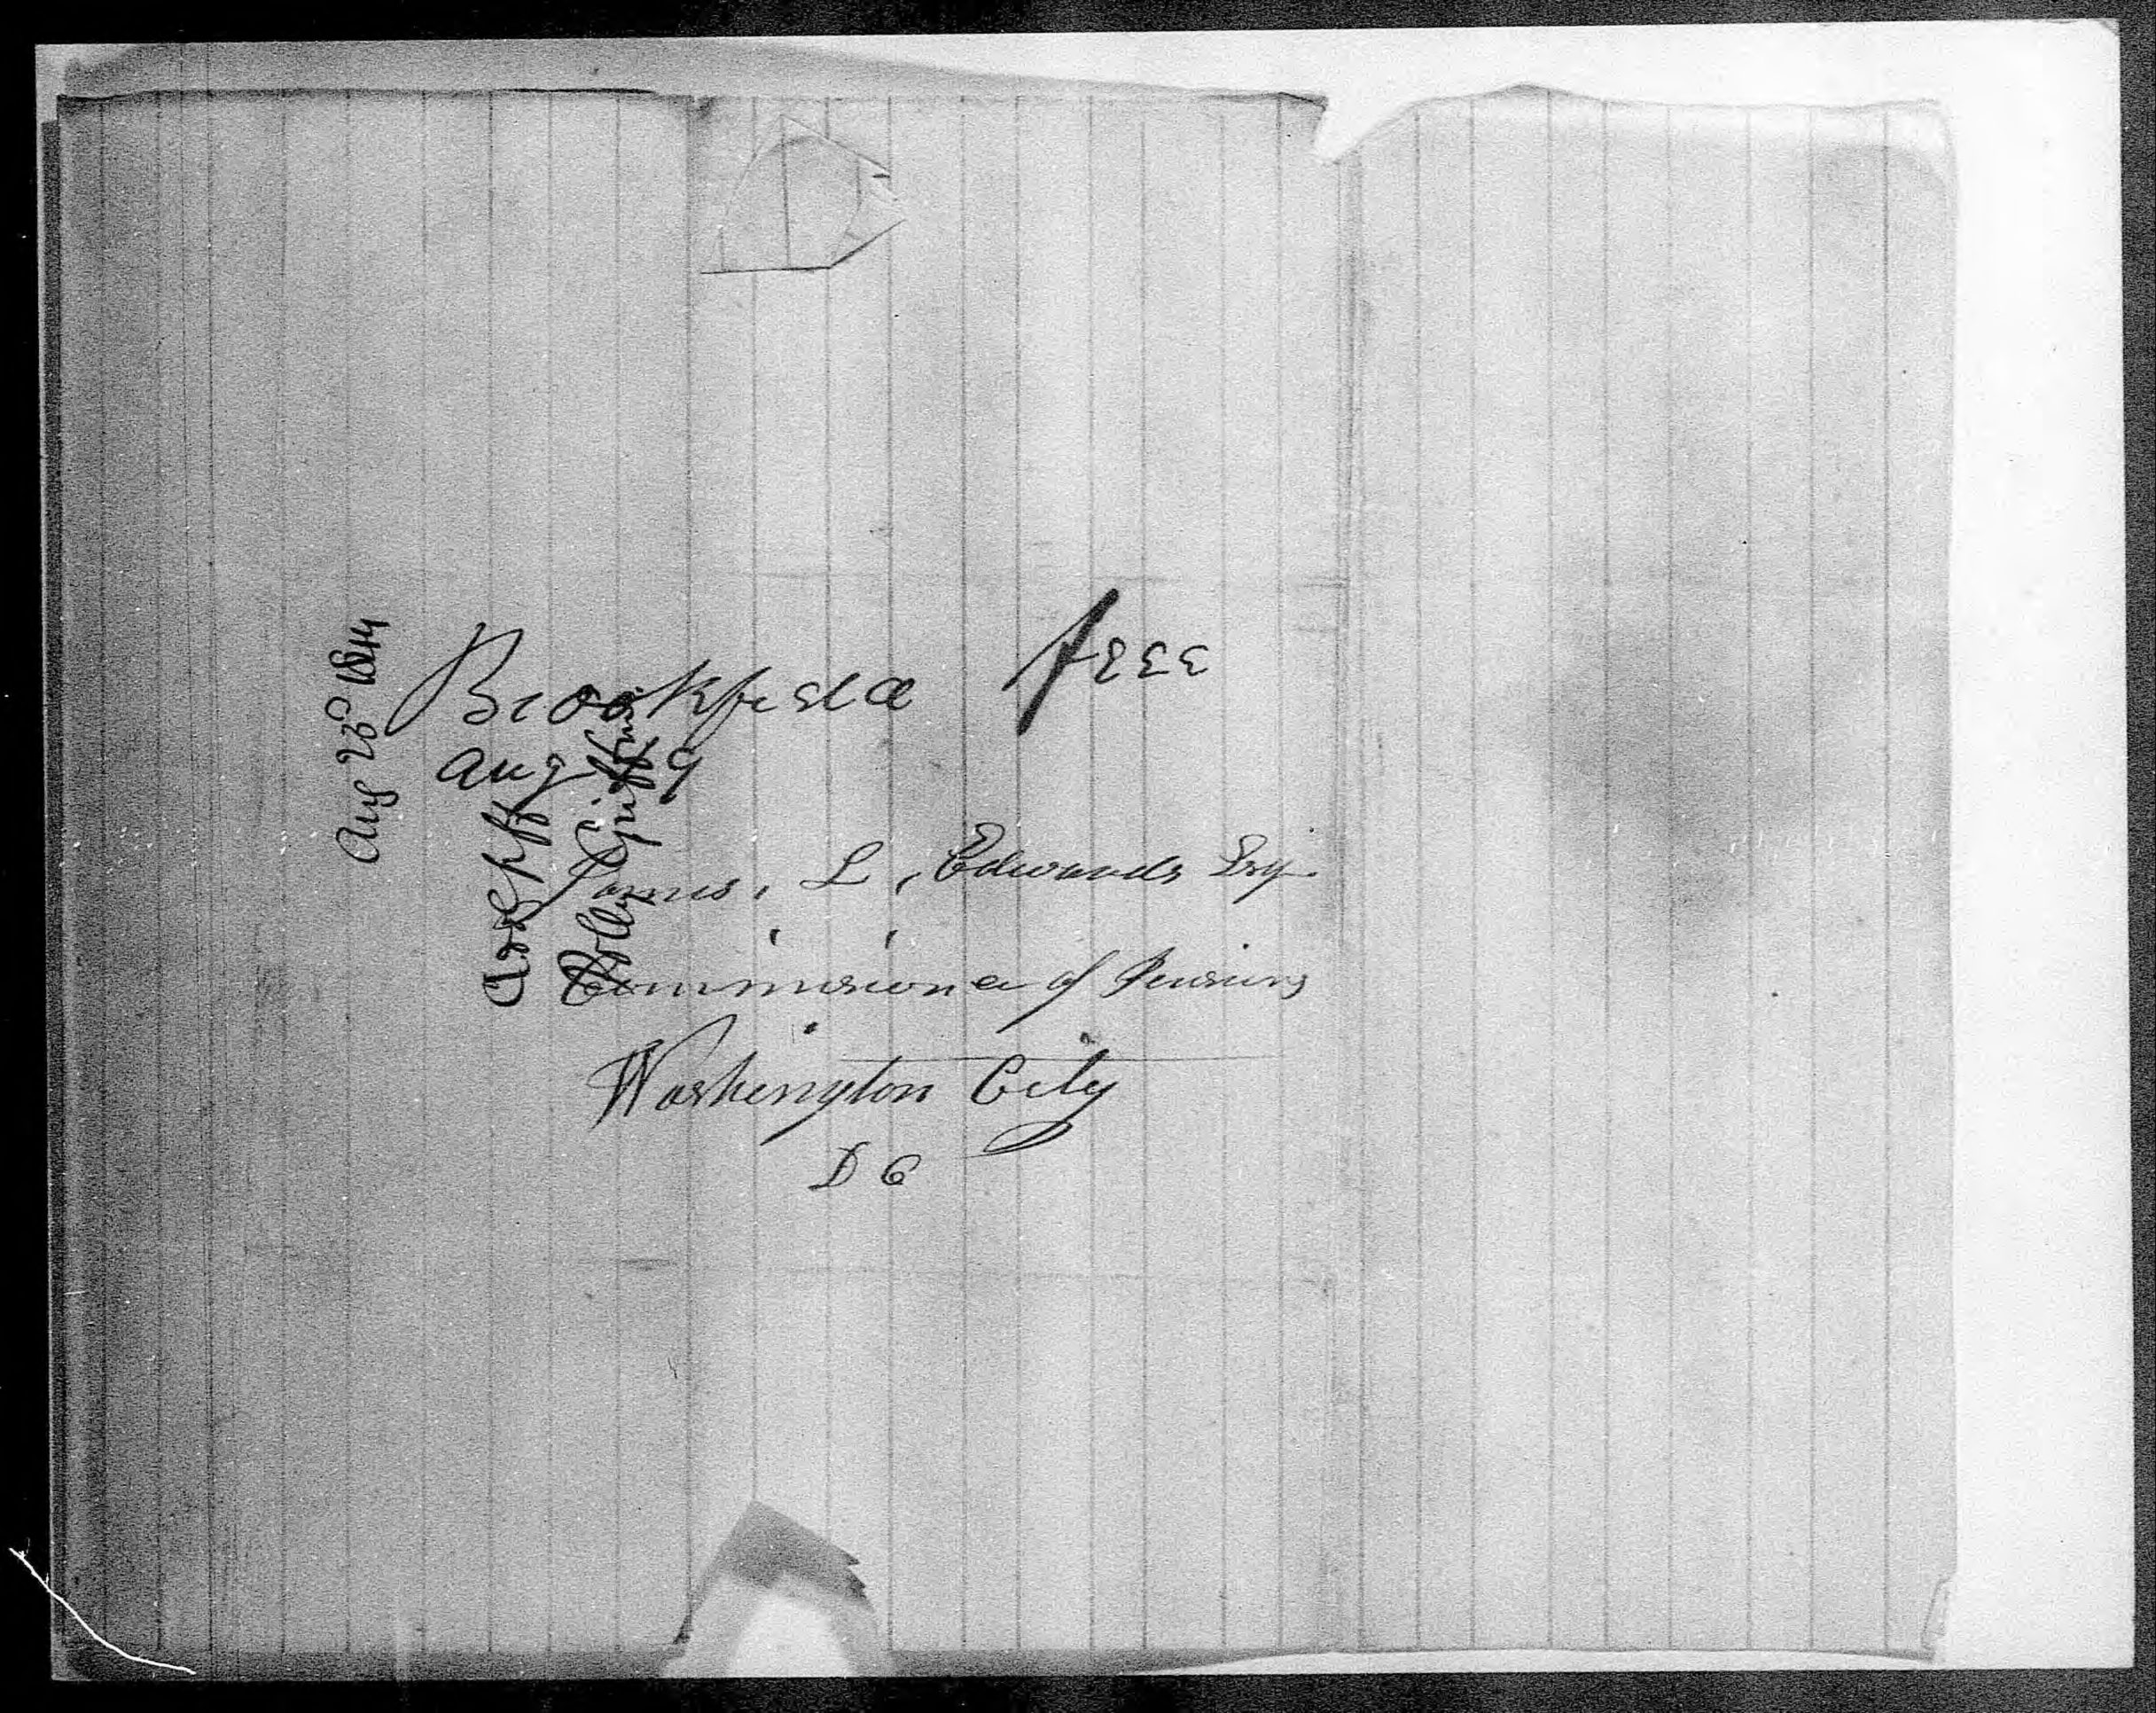Brookfield
free
Aug 19
James L. Edwards Esqr
Commisioner of Pensions
Washington City D C

Aug 23d 1844
Address
Polly Griffin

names: Polly Griffin, James L Edwards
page: 34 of 60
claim: widow's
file: W. 19,537, Thomas Griffin, Conn.